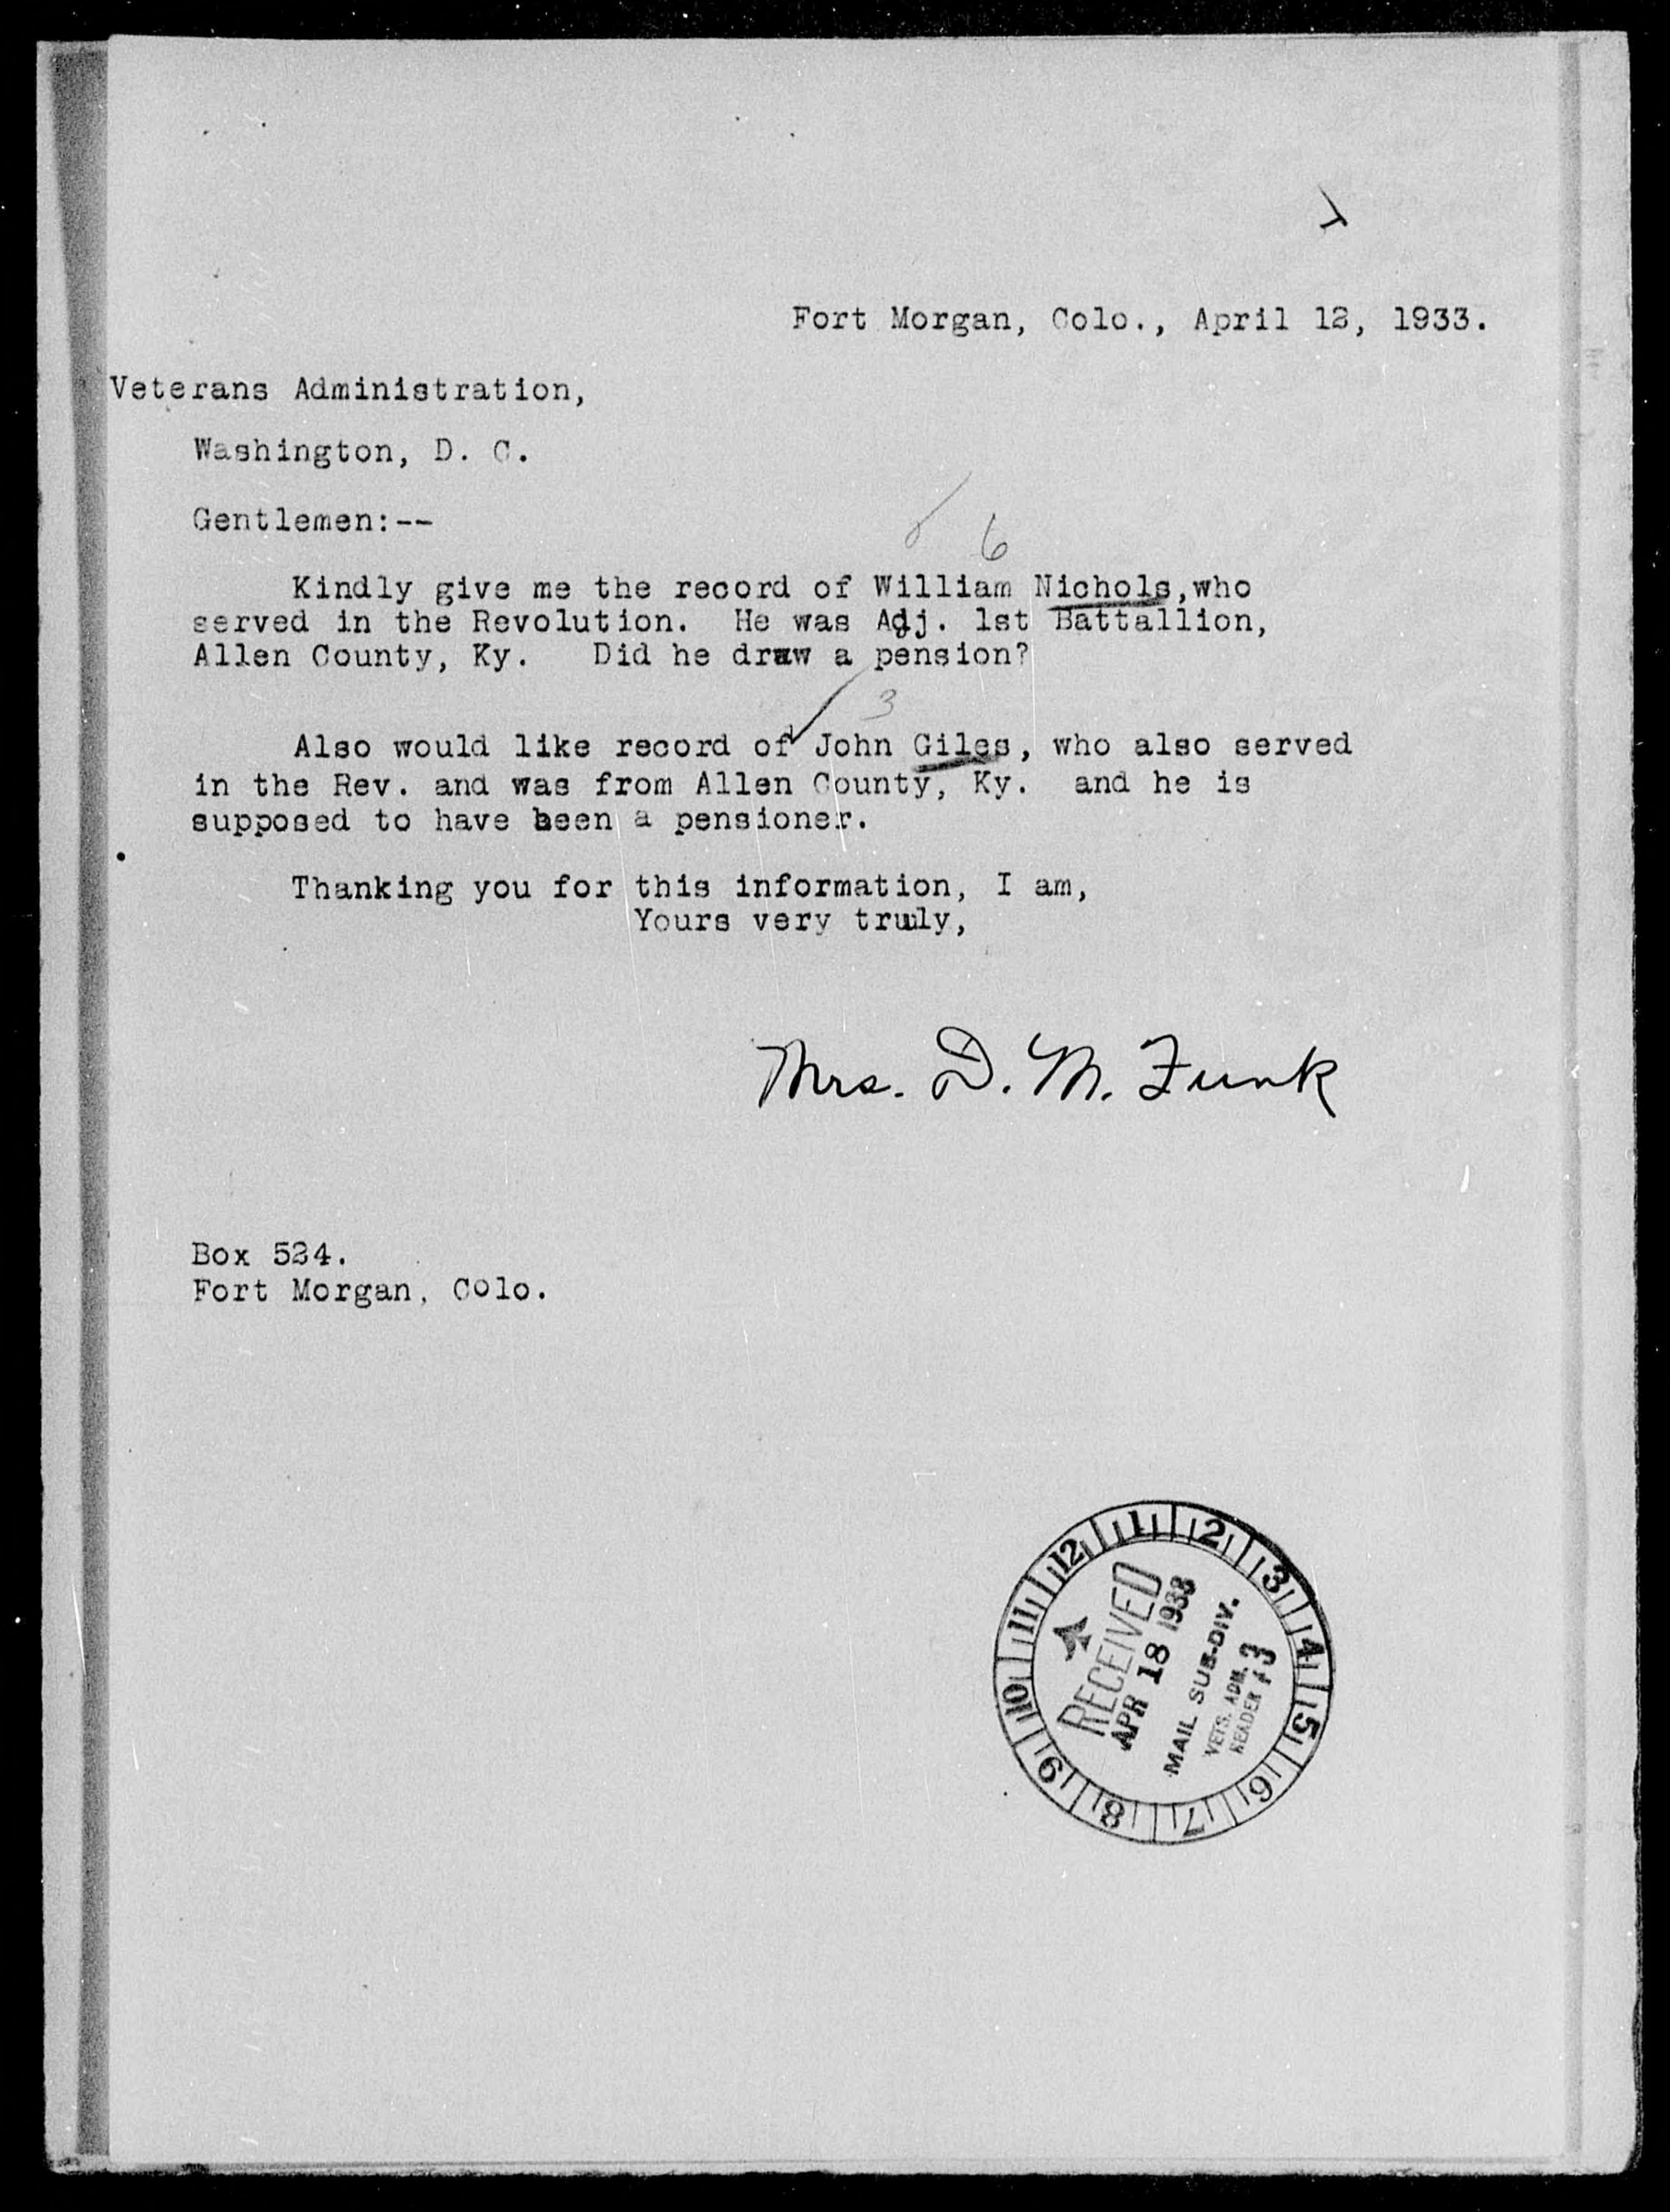Fort Morgan, Colo, April 12, 1933.

Veterans Administration,
Washington, D.C.

Gentlemen:

Kindly give me the record of William Nichols, who served in the Revolution. He was Adj. 1st Battalion, Allen County, Ky. Did he draw a pension?

Also would like record of John Giles, who also served in the Rev. and was from Allen County, Ky. and he is supposed to have been a pensioner.

Thanking you for this information, I am, 
Yours very truly,

Mrs. D.M. Frank

Box 534
Fort Morgan, Colo.

[stamped]
Received April 18, 1938
mail sub-div.
Vets. Adm.
reader 3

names: D M Funk, William Nichols, John Giles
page: 77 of 82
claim: widow's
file: W. 7,522, John Giles, N.C.